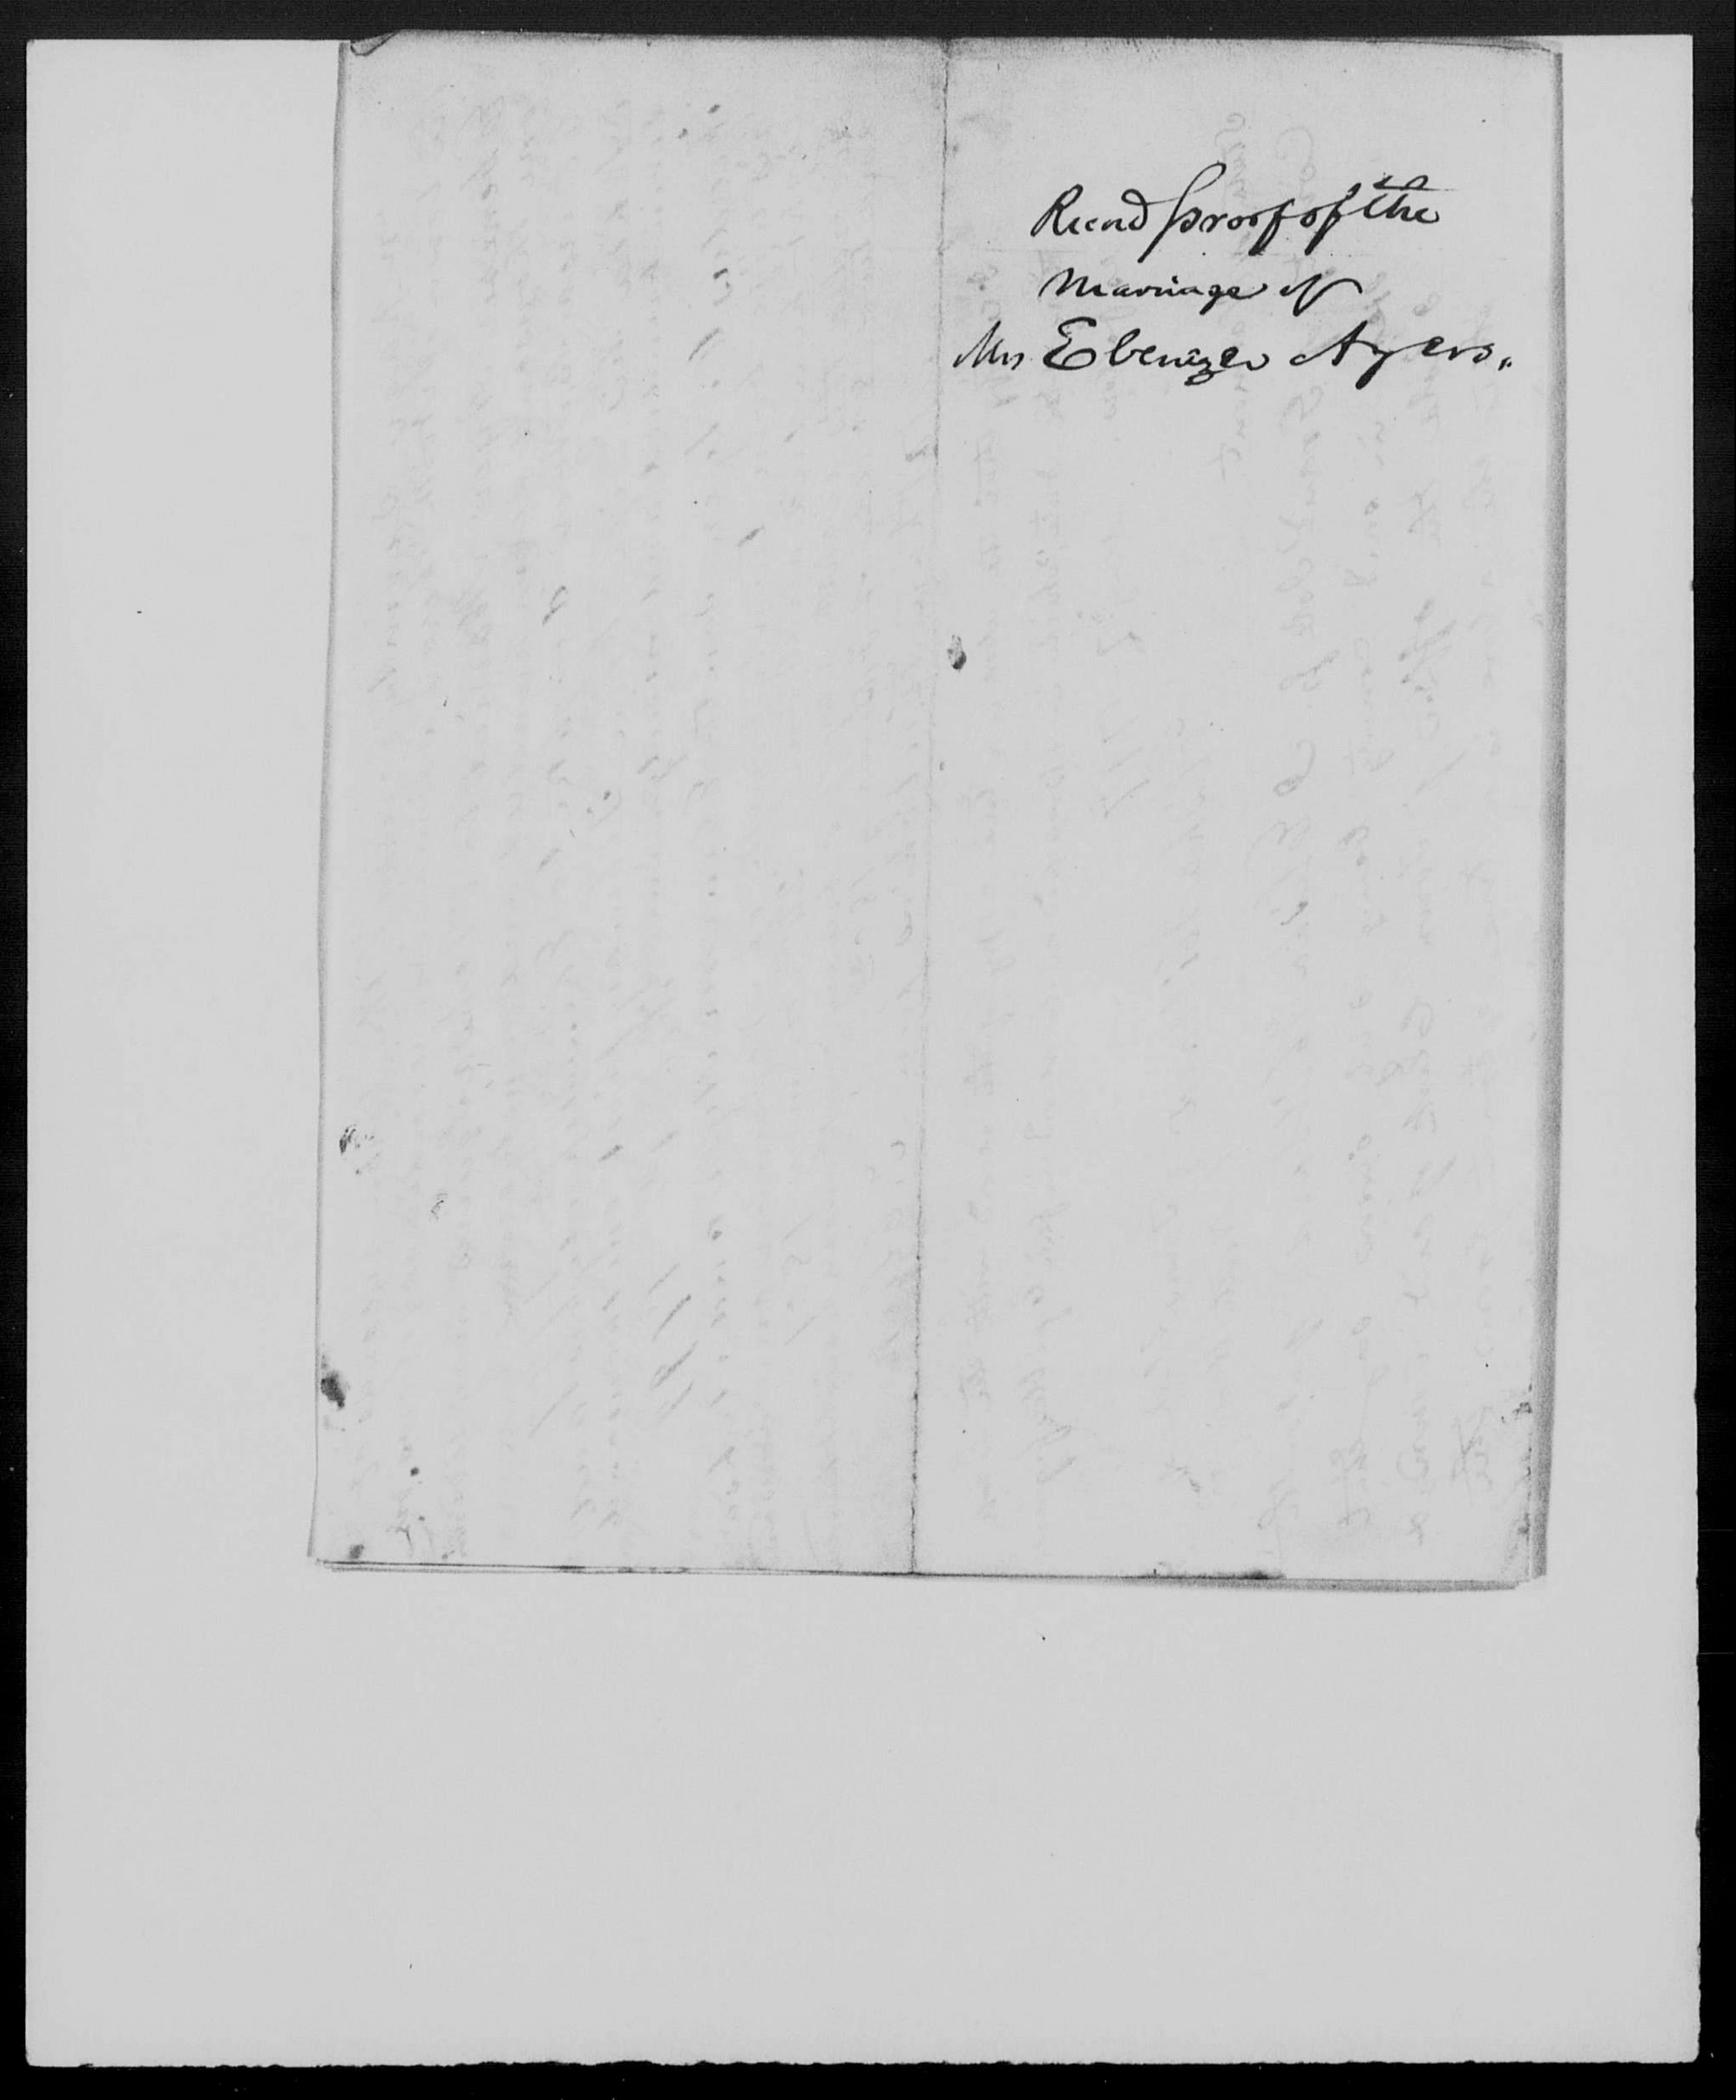Record proof of the marriage of
Mrs. Ebenezer Ayres.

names: Ebenezer Ayers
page: 11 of 50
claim: widow's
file: W. 8559, Ebenezer Ayer, Continental (Conn)